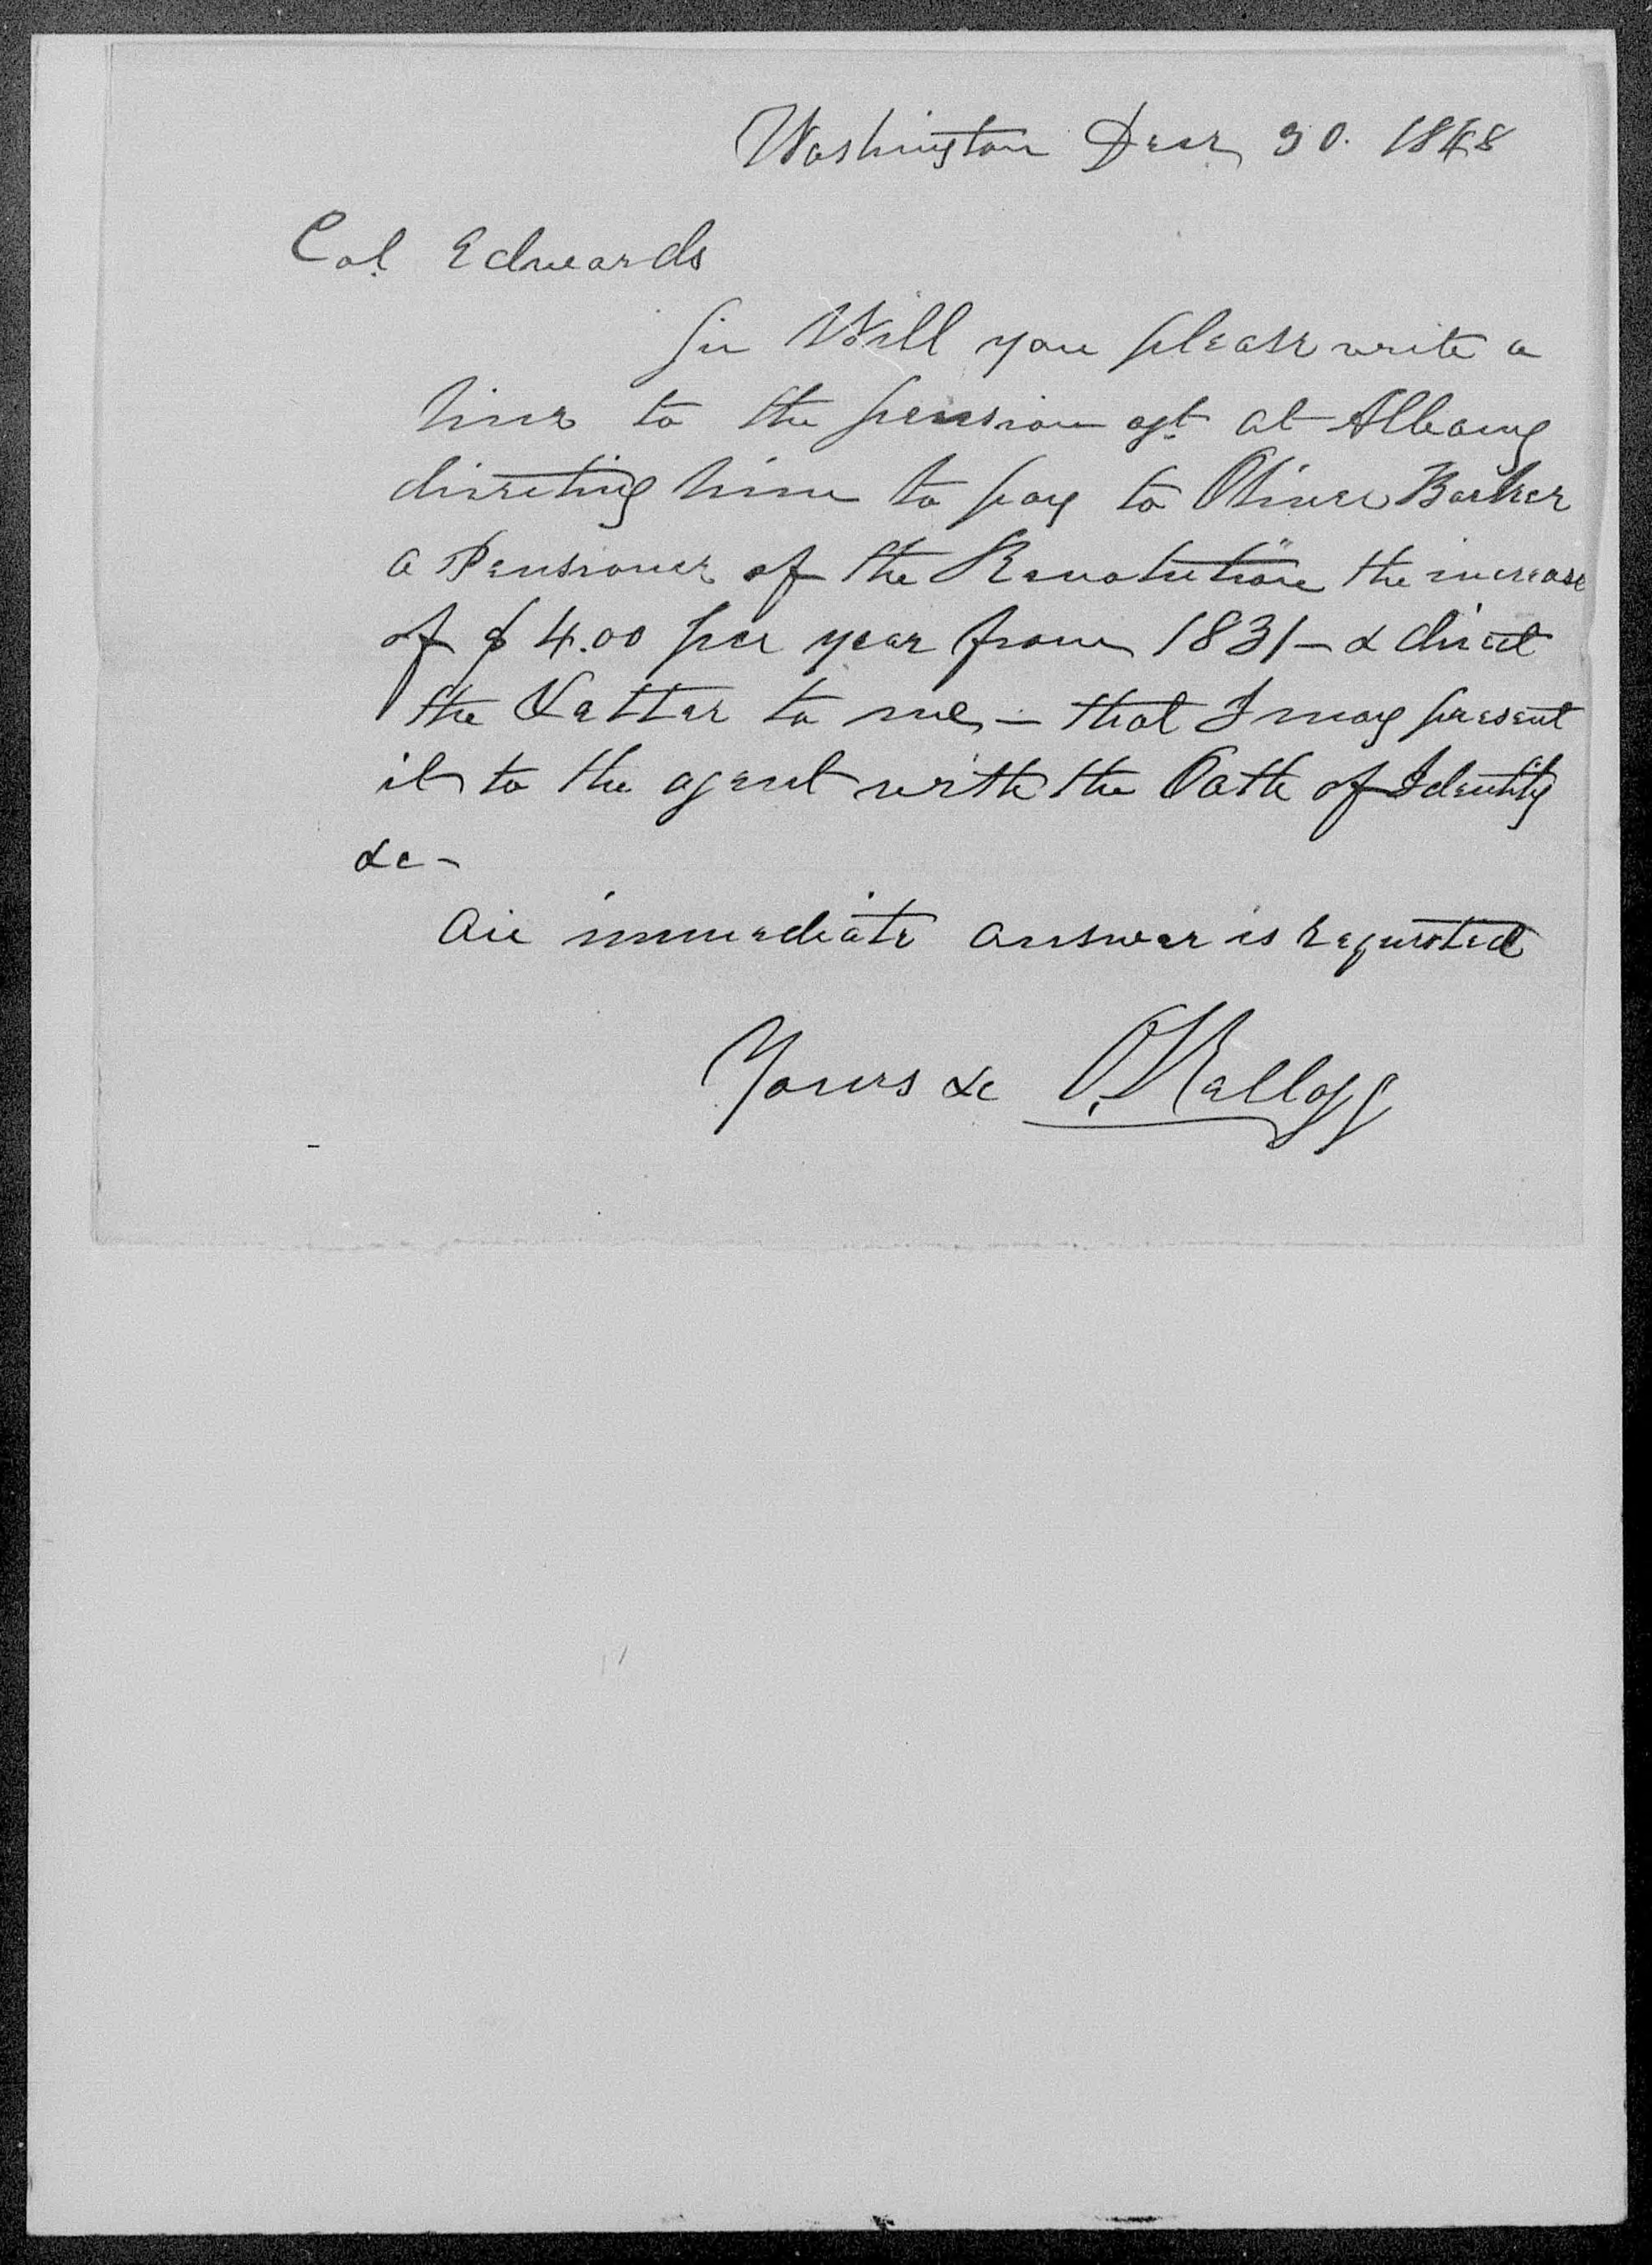Washington Decr 30. 1848
Col Edwards 
Sir 
Will you please write a line to the pension agt at Albany directing him to pay to Oliver Barker a Pensioner of the Revolution the increase of $4.00 per year from 1831 & direct the letter to me that I may present it to the agent with the Oath of Identity &c 
An immediate answer is requested 
Yours &c 
O. Kellogg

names: Edwards, O Kellogg, Oliver Barker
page: 31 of 51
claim: widow's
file: W. 1698, Oliver Barker, Conn.